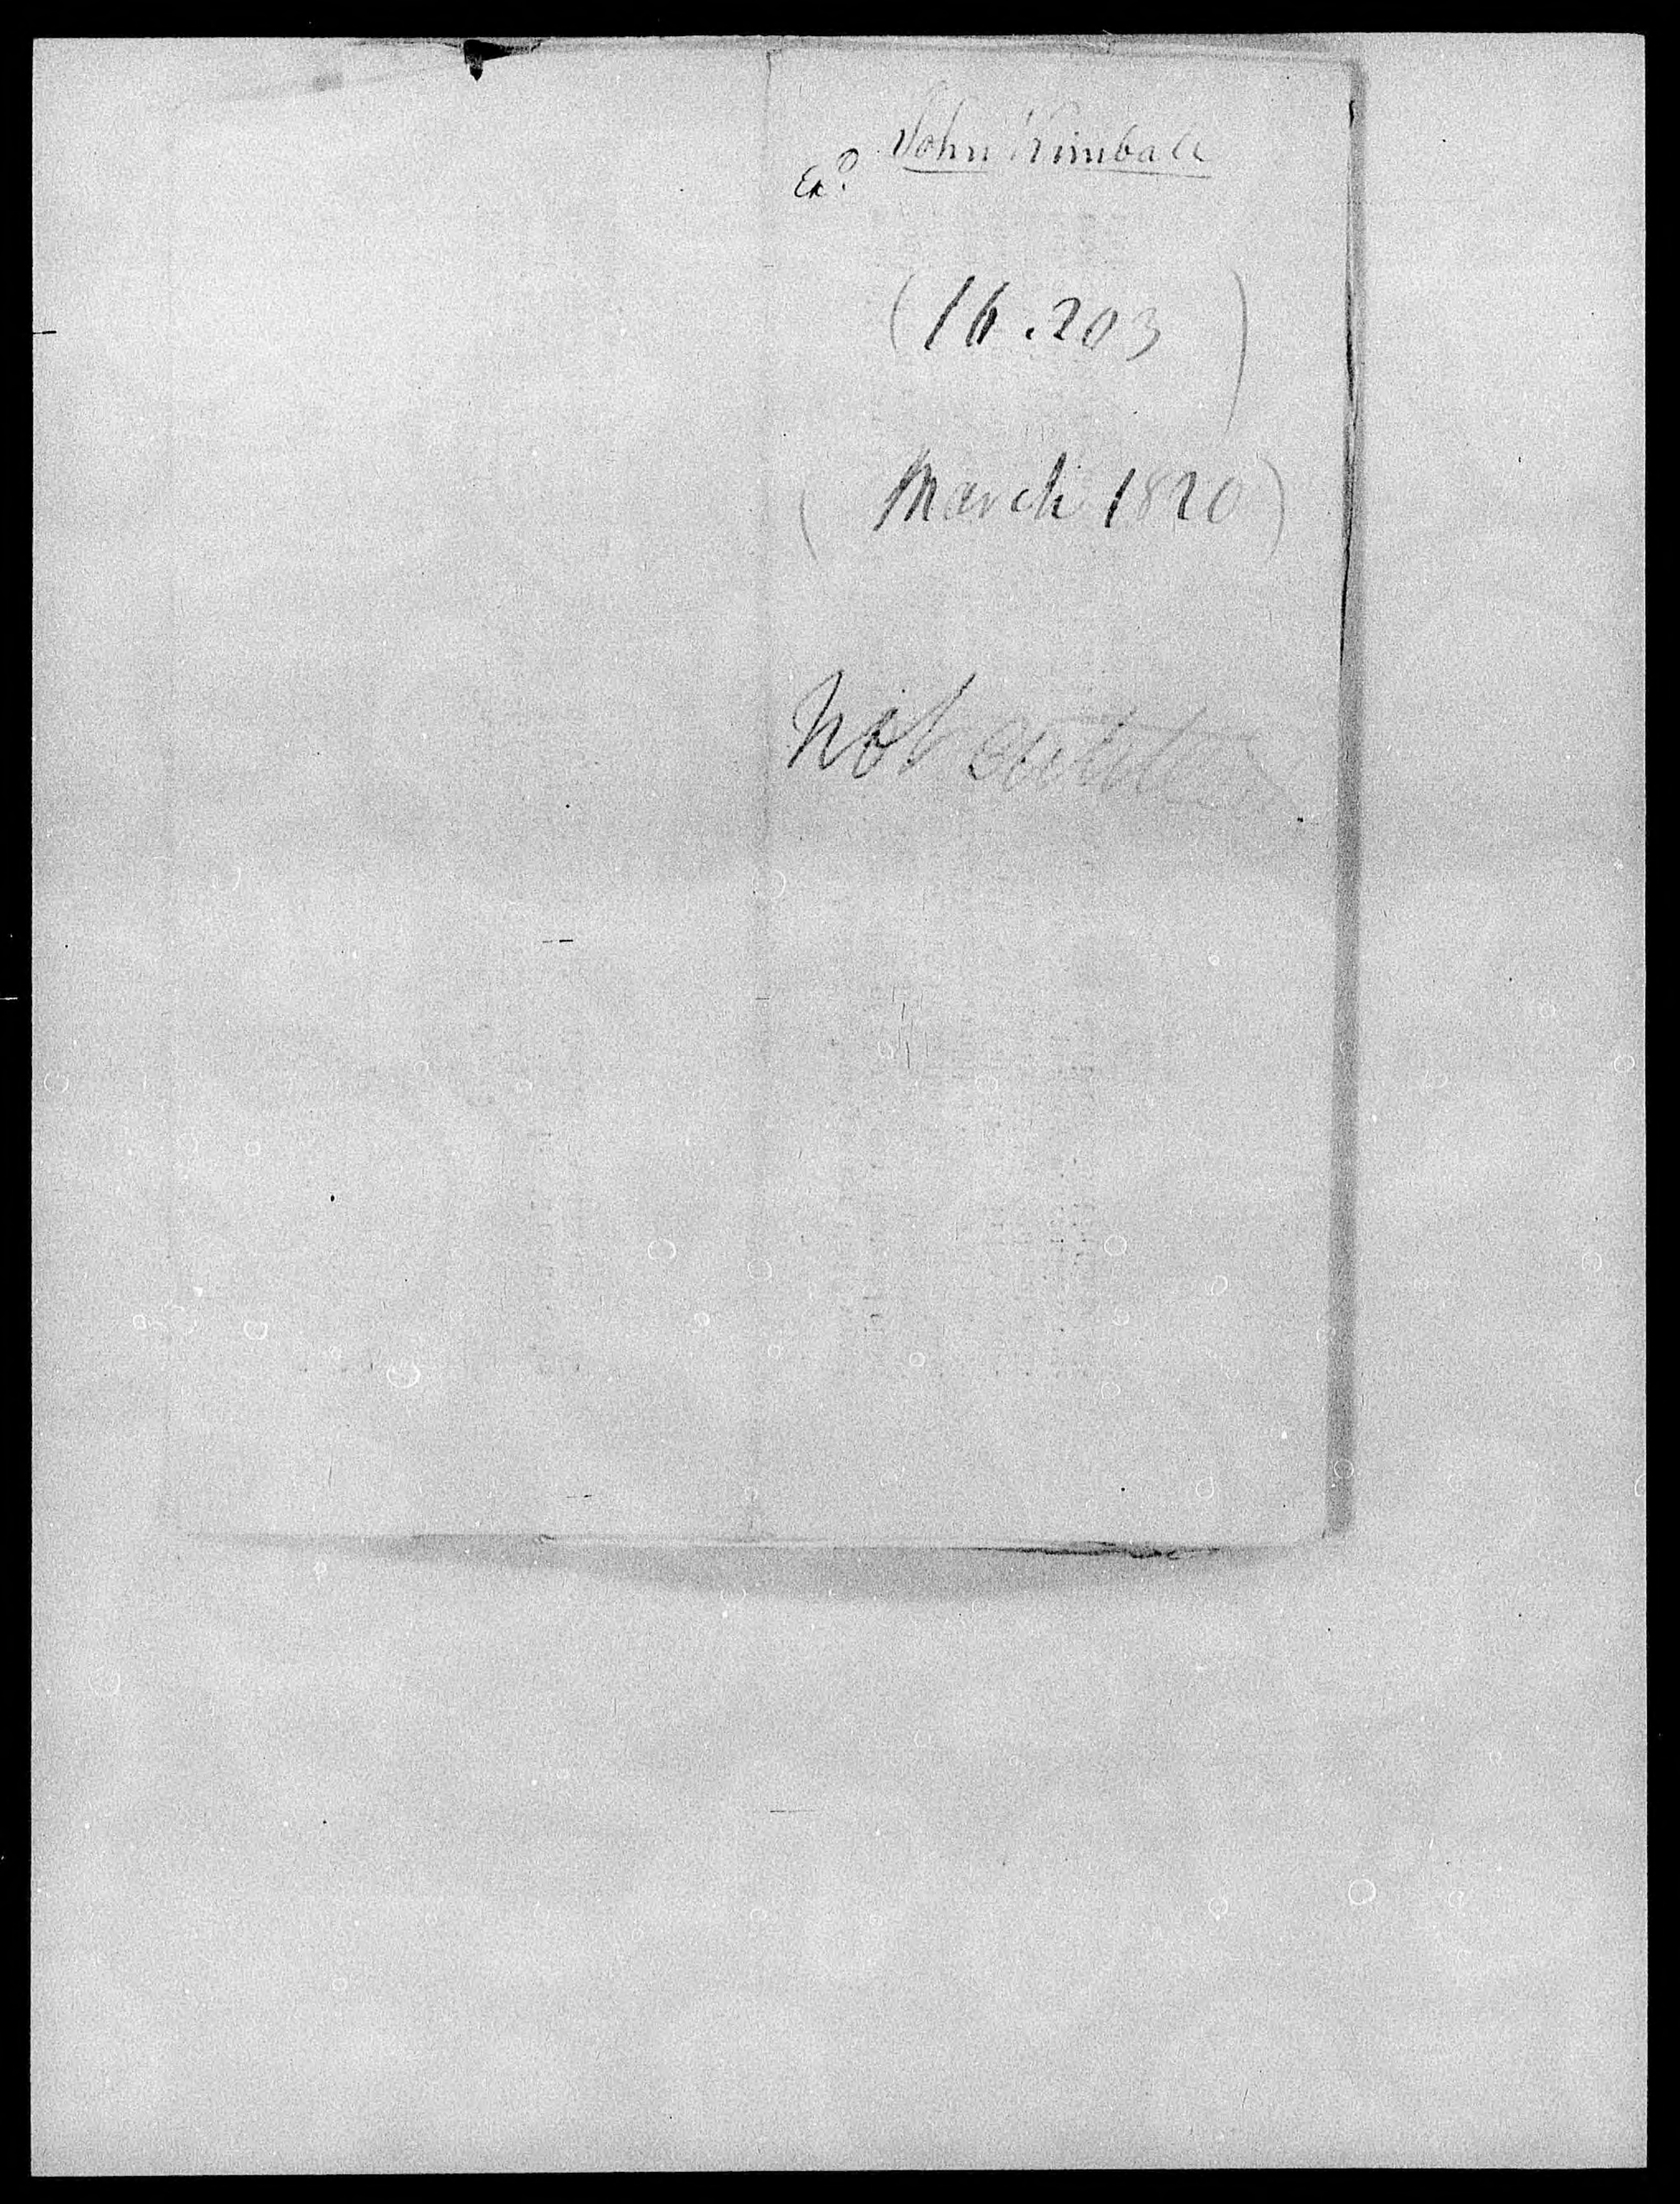John Kimball

(16.203)
(March 1820)

not entitled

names: John Kimball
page: 2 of 36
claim: survivor's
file: S. 42,792, for John Kimball, Connecticut